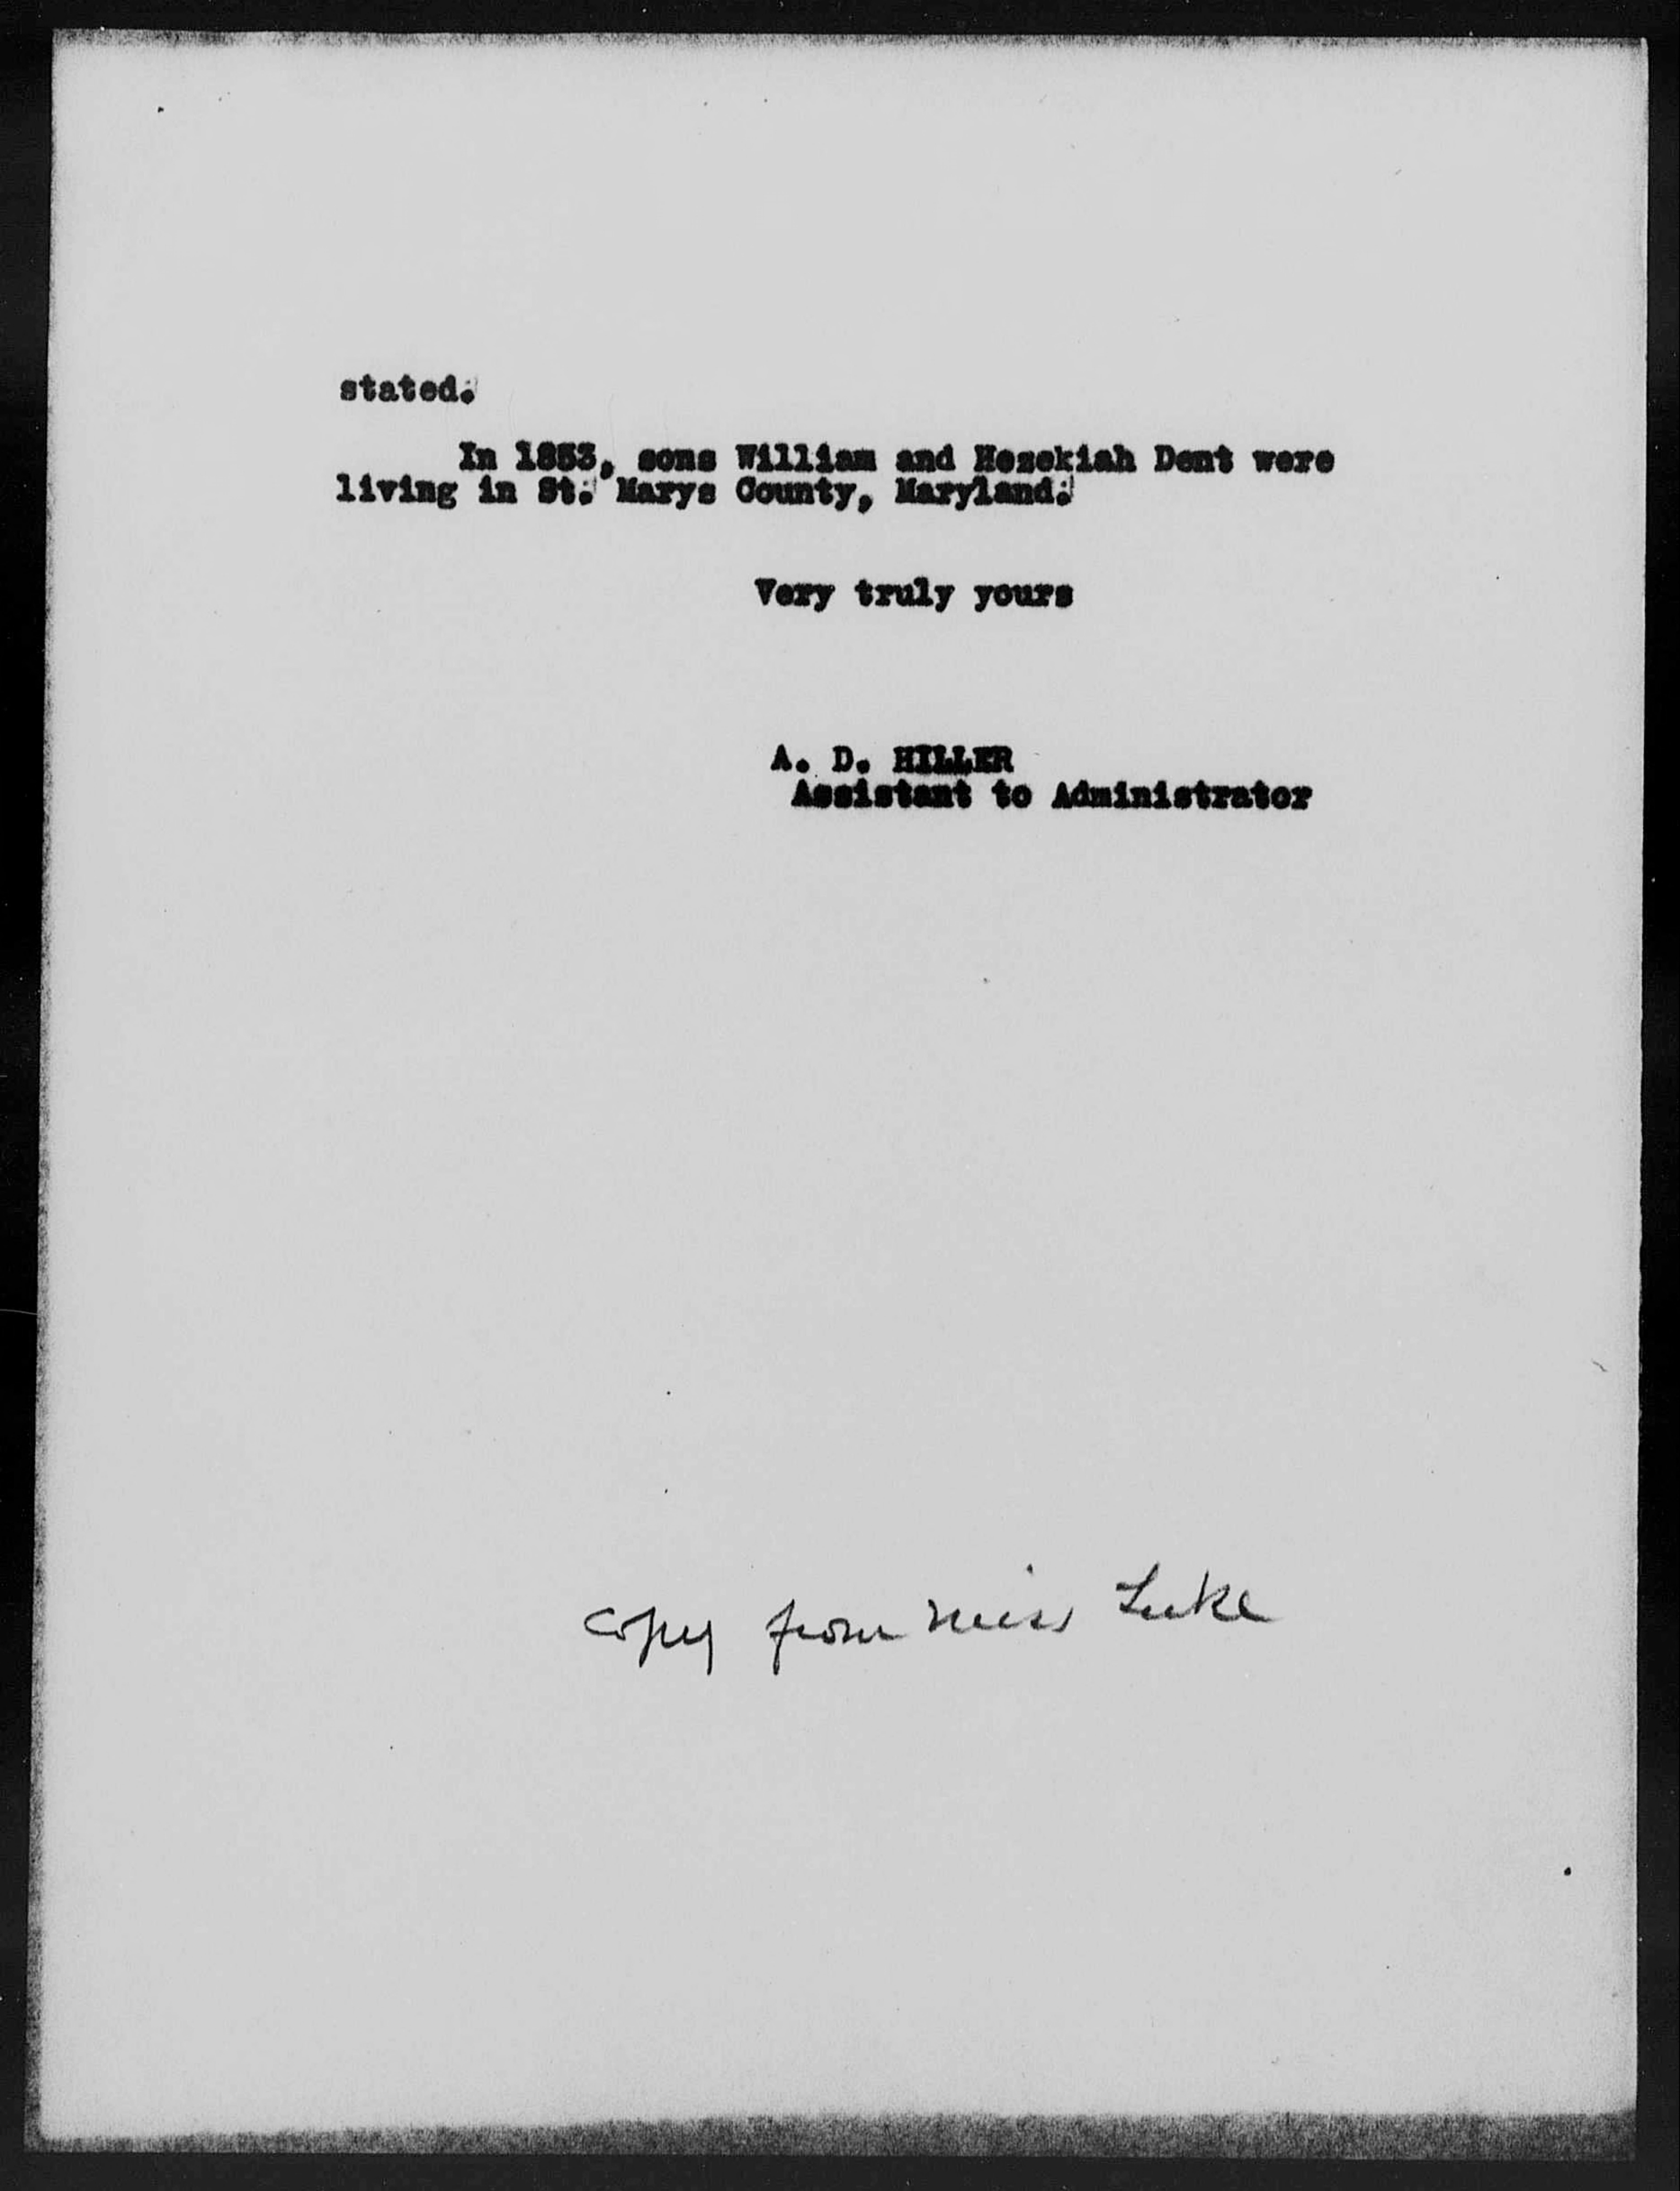[typewritten]
stated.

In 1853, sons William and Hezekiah Dent were living is St. Marys, County, Maryland.

Very truly yours,
A.D. Hillar
Assistant to Administrator

[handwritten at bottom of page] Copy from Miss Luke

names: A D Hiller, Hezekiah Dent, William Dent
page: 23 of 49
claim: survivor's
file: S. 12755, George Dent, Md.